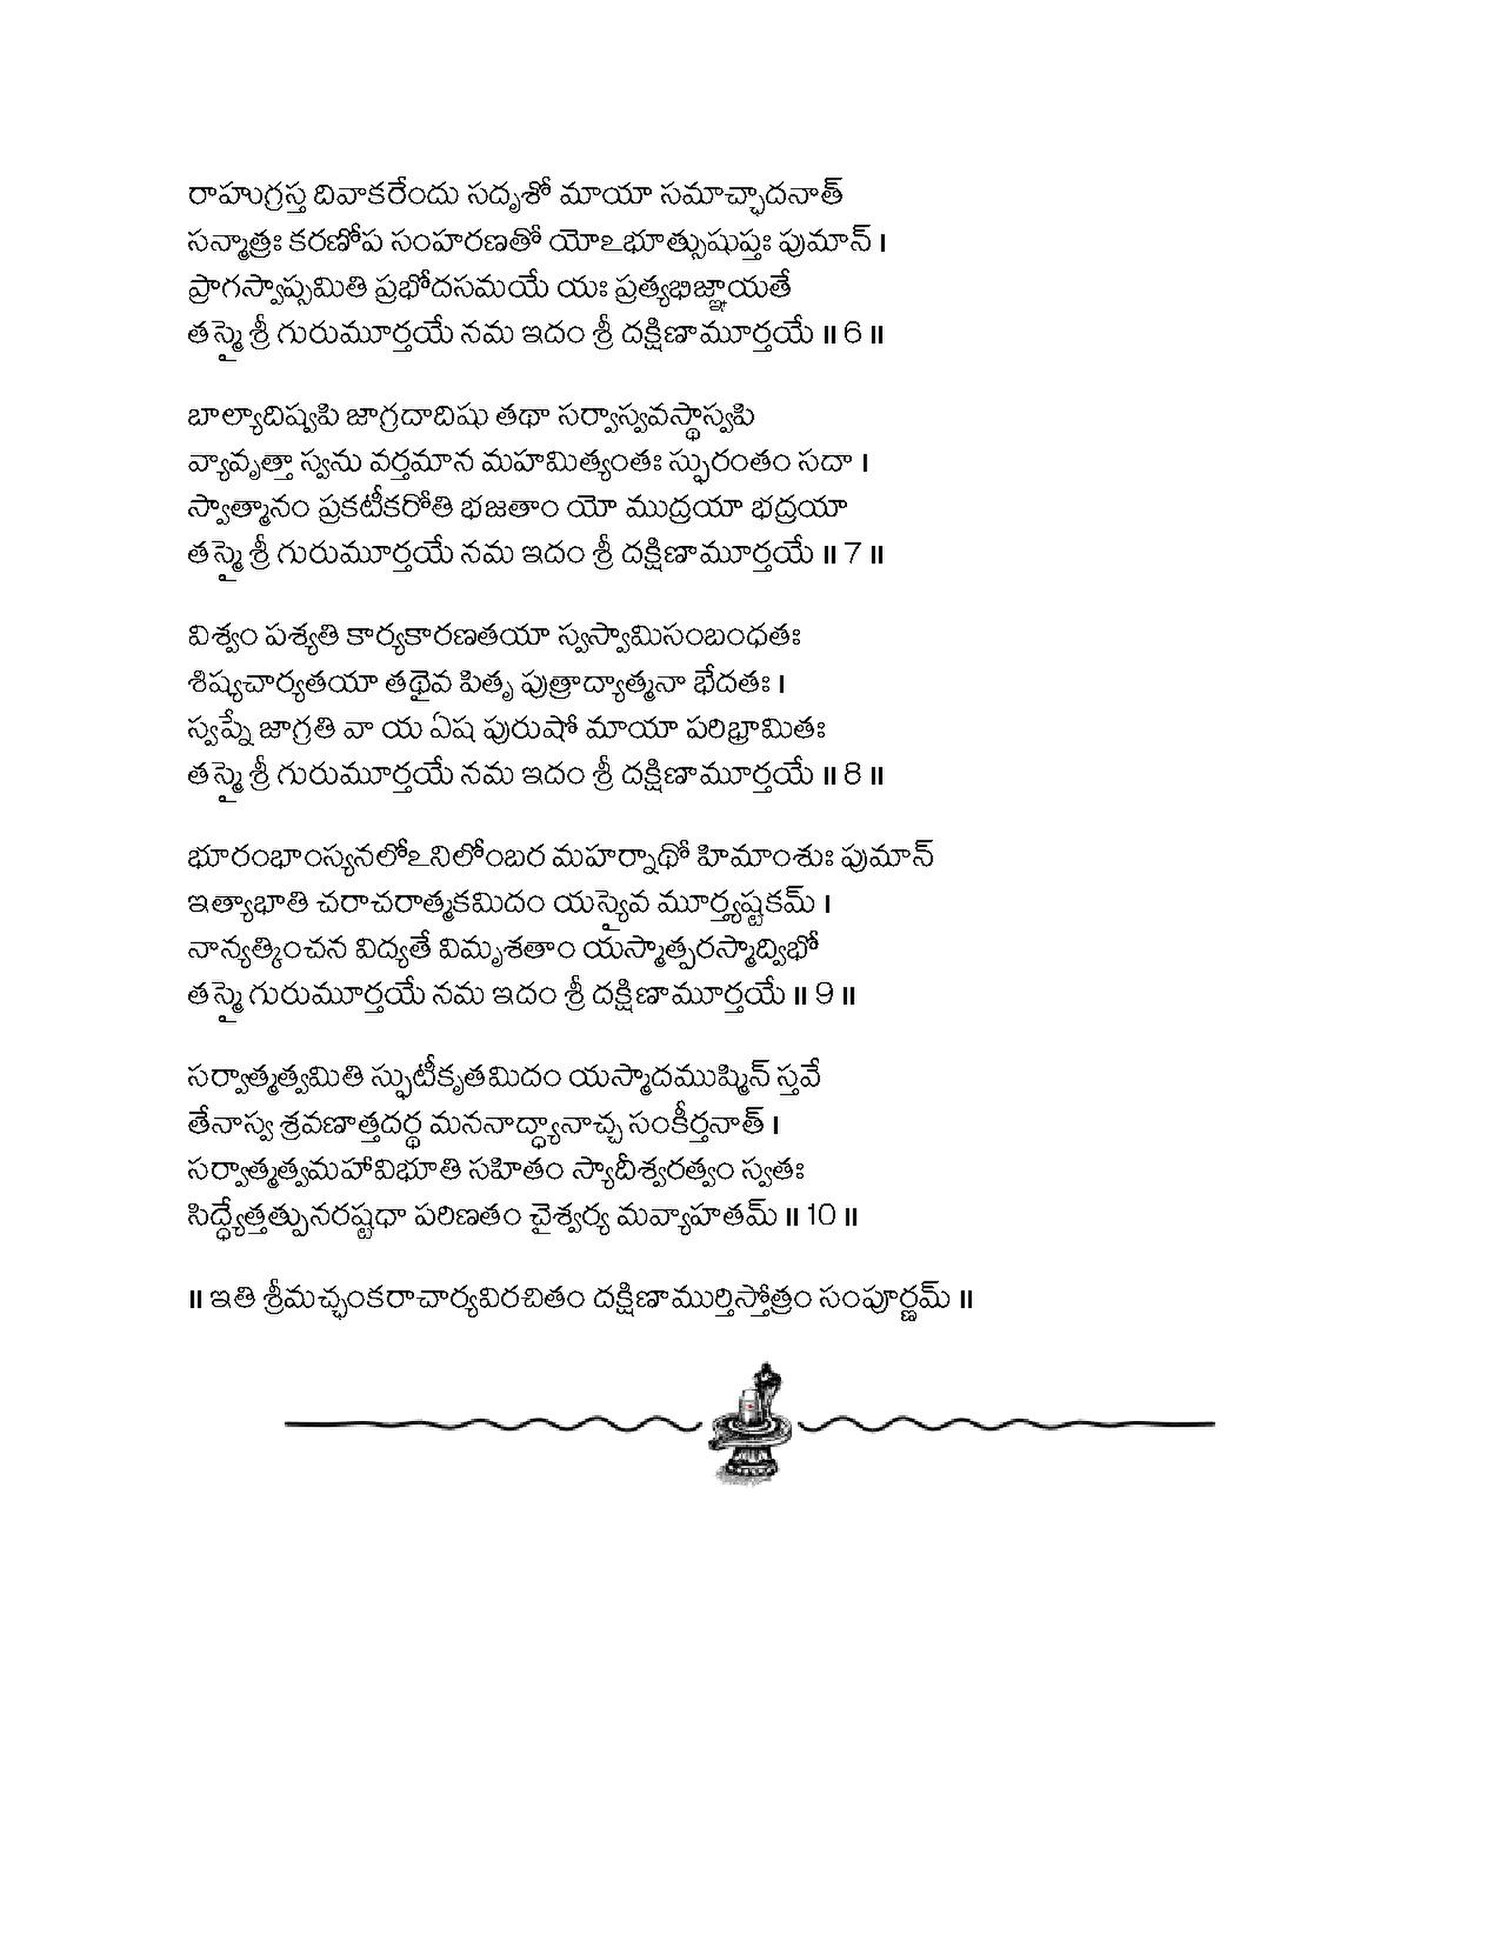రాహుగ్రస్త దివాకరేందు సదృశో మాయా సమాచ్ఛాదనాత్
సన్మాత్రః కరణోప సంహరణతో యో౽భూత్సుషుప్తః పుమాన్ |
ప్రాగస్వాప్సమితి ప్రబోధసమయే యః ప్రత్యభిజ్ఞాయతే
తస్మై శ్రీ గురుమూర్తయే నమ ఇదం శ్రీ దక్షిణామూర్తయే || 6 ||

బాల్యాదిష్వపి జాగ్రదాదిషు తథా సర్వాస్వవస్థాస్వపి
వ్యావృత్తాస్వను వర్తమాన మహమిత్యంతఃస్ఫురంతం సదా |
స్వాత్మానం ప్రకటీకరోతి భజతాం యో ముద్రయా భద్రయా
తస్మై శ్రీ గురుమూర్తయే నమ ఇదం శ్రీ దక్షిణామూర్తయే || 7 ||

విశ్వం పశ్యతి కార్యకారణతయా స్వస్వామిసంబంధతః
శిష్యచార్యతయా తథైవ పితృపుత్రాద్యాత్మనా భేదతః |
స్వప్నే జాగ్రతి వా య ఏష పురుషో మాయా పరిభ్రామితః
తస్మై శ్రీ గురుమూర్తయే నమ ఇదం శ్రీ దక్షిణామూర్తయే || 8 ||

భూరంభాంస్యనలో౽నిలోంబర మహర్నాథో హిమాంశుః పుమాన్
ఇత్యాభాతి చరాచరాత్మకమిదం యస్యైవ మూర్త్యష్టకమ్ |
నాన్యత్కించన విద్యతే విమృశతాం యస్మాత్పరస్మాద్విభో
తస్మై గురుమూర్తయే నమ ఇదం శ్రీ దక్షిణామూర్తయే || 9 ||

సర్వాత్మత్వమితి స్ఫుటీకృతమిదం యస్మాదముష్మిన్ స్తవే
తేనాస్వ శ్రవణాత్తదర్థ మననాద్ధ్యానాచ్చ సంకీర్తనాత్ |
సర్వాత్మత్వమహావిభూతి సహితం స్యాదీశ్వరత్వం స్వతః
సిద్ధ్యేత్తత్పునరష్టధా పరిణతం చైశ్వర్య మవ్యాహతమ్ || 10 ||

|| ఇతి శ్రీమచ్ఛంకరాచార్యవిరచితం దక్షిణామూర్తి స్తోత్రం సంపూర్ణమ్ ||